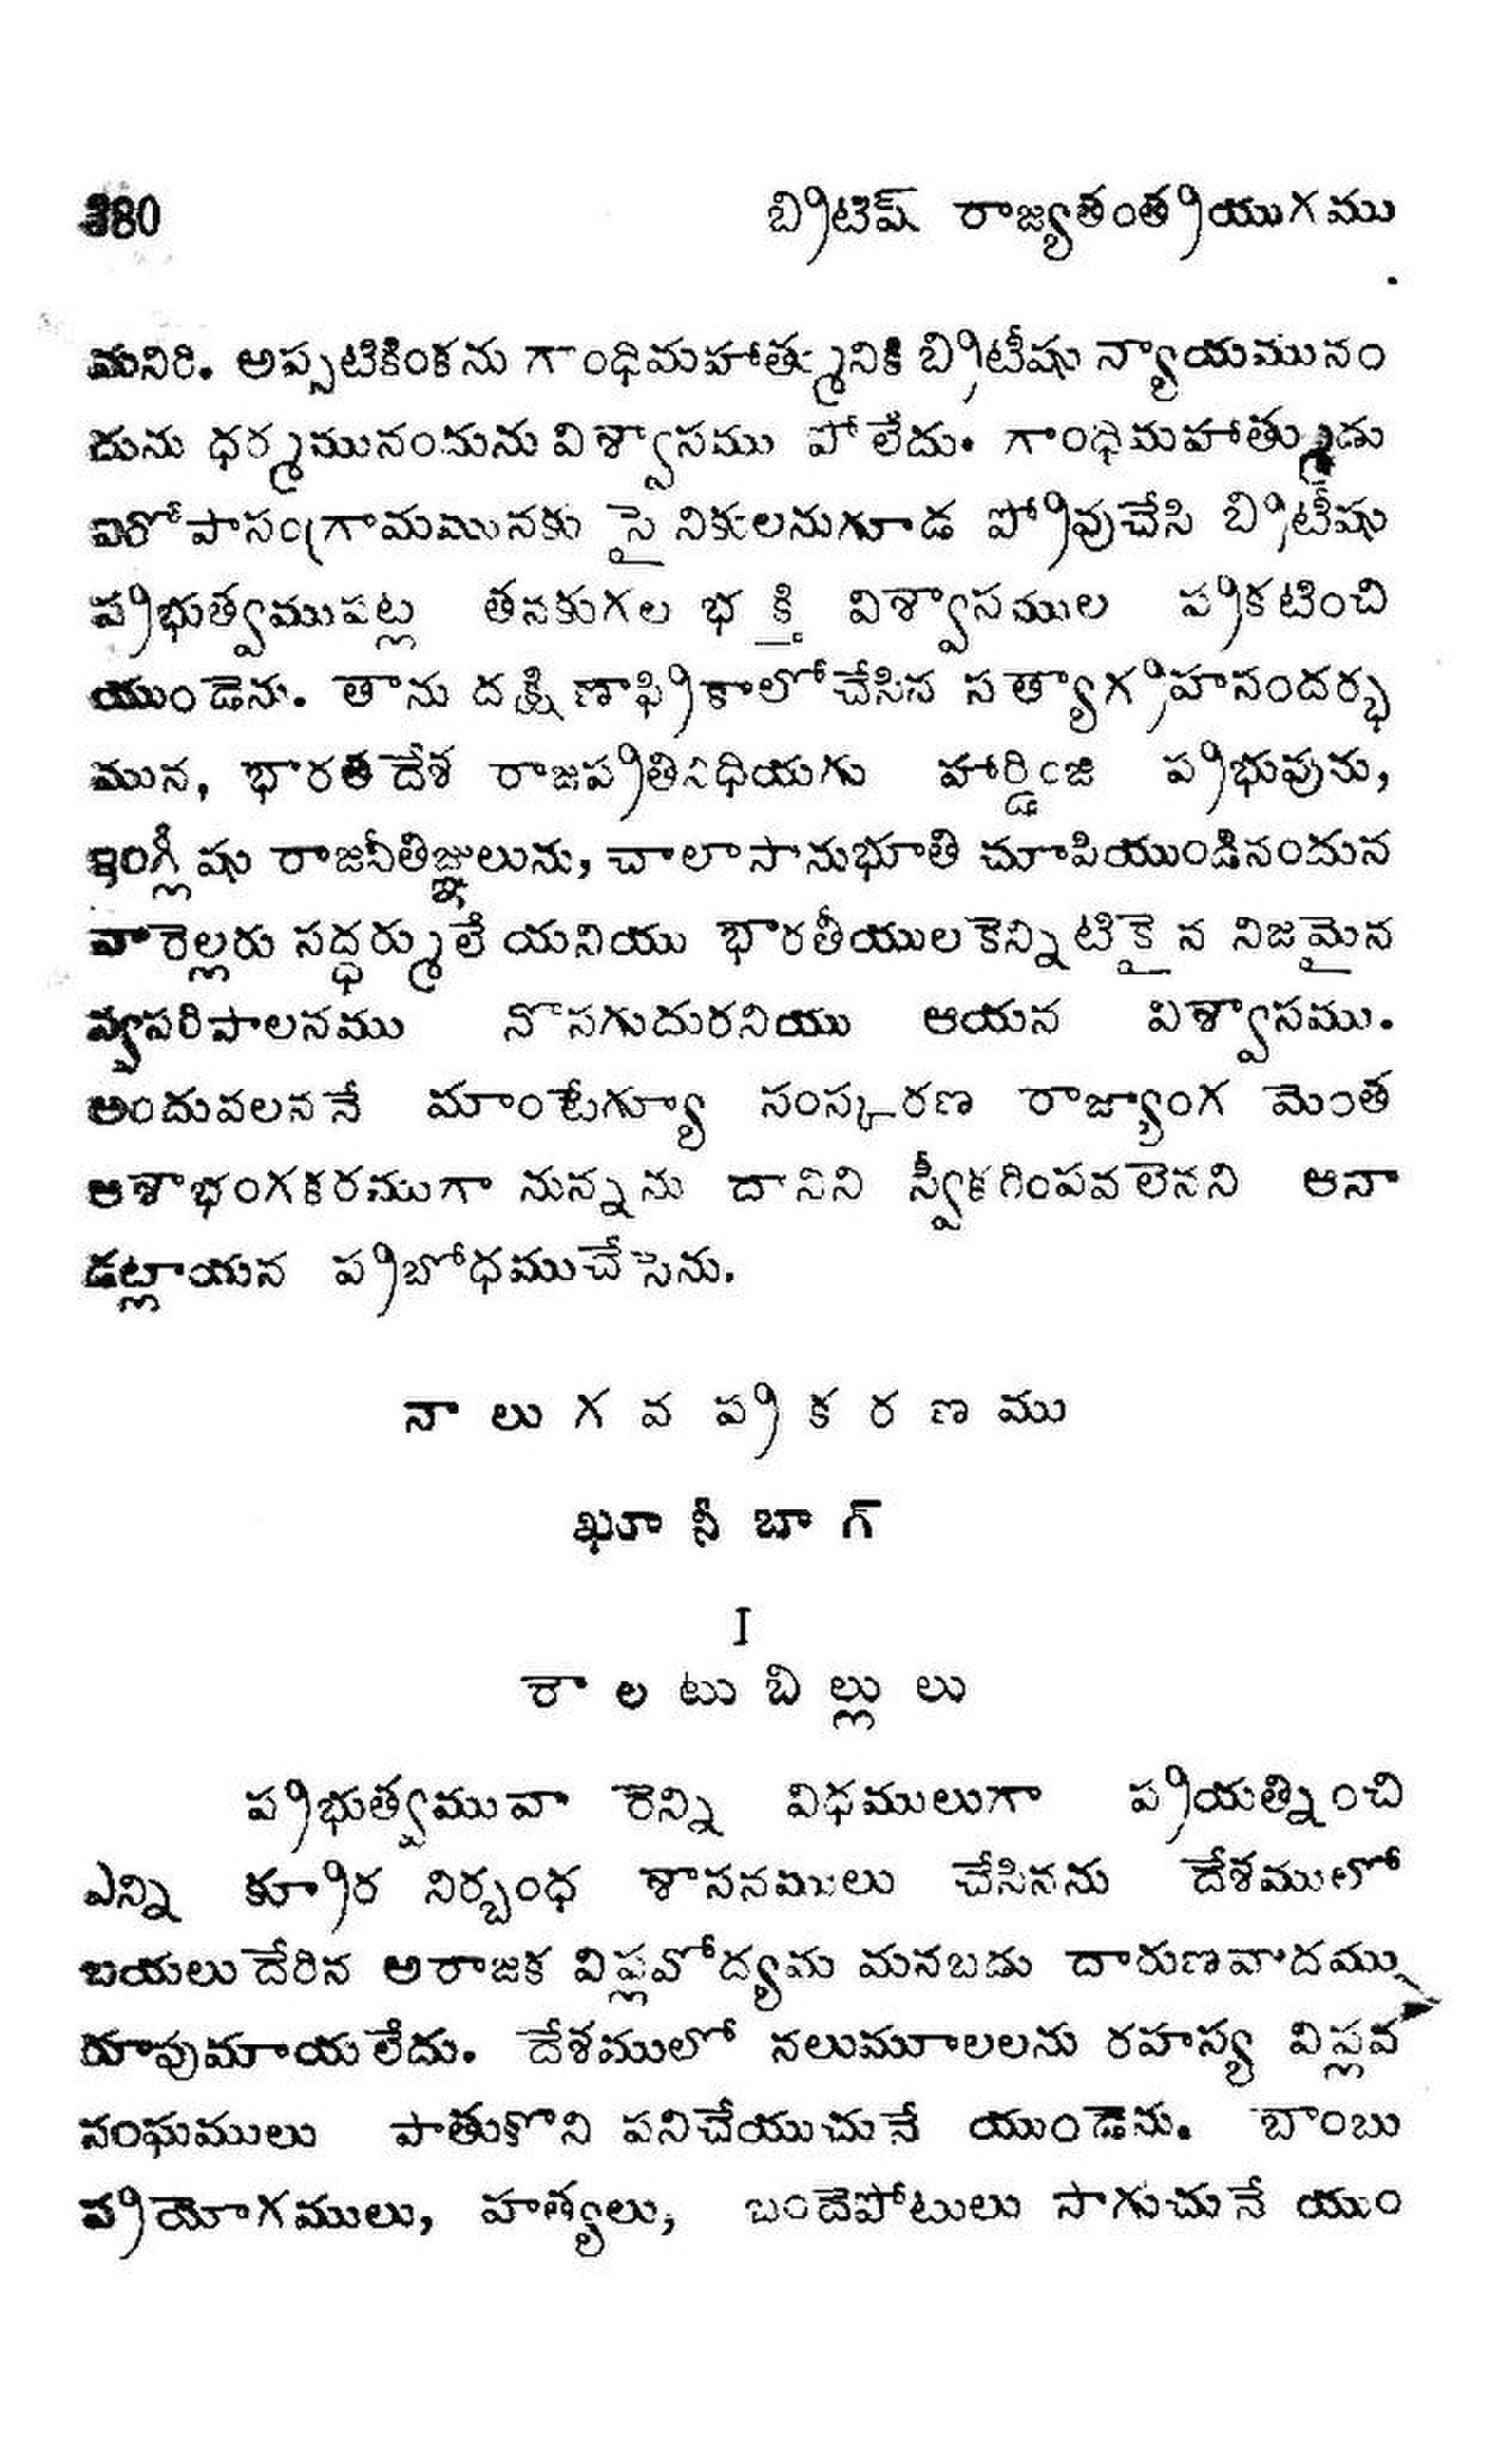మనిరి. అప్పటికింకను గాంధిమహాత్మునికి బ్రిటీషున్యాయమునందును ధర్మమునందును విశ్వాసము పోలేదు. గాంధీమహాత్ముడు ఐరోపాసంగ్రామమునకు సైనికులనుగూడ ప్రొవుచేసి బిటీషు ప్రభుత్వముపట్ల తనకుగల భక్తి విశ్వాసముల ప్రకటించి యుండెను. తాను దక్షిణాఫ్రికాలో చేసిన సత్యాగహసందర్భమున, భారతదేశ రాజప్రతినిధియగు హార్డింజి ప్రభువును, ఇంగ్లీషు రాజనీతిజ్ఞులును, చాలాసానుభూతి చూపియుండినందున వారెల్లరు సద్ధర్ములే యనియు భారతీయుల కెన్నిటికైన నిజమైన స్వపరిపాలనము నొసగుదురనియు ఆయన విశ్వాసము. అందువలననే మాంటేగ్యూ సంస్కరణ రాజ్యాంగ మెంత ఆశాభంగకరముగా నున్నను దానిని స్వీకరింపవలెనని ఆనా డట్లాయన ప్రబోధము చేసెను. 

నాలుగవ ప్రకరణము
ఖూనీబాగ్
I
రౌలటు బిల్లులు 

ప్రభుత్వమువా రెన్ని విధములుగా ప్రయత్నించి ఎన్ని క్రూర నిర్బంధ శాసనములు చేసినను దేశములో బయలుదేరిన అరాజక విప్లవోద్యమ మనబడు దారుణవాదము రూపుమాయలేదు. దేశములో నలుమూలలను రహస్య విప్లవ సంఘములు పాతుకొని పనిచేయుచునే యుండెను. బాంబు ప్రయోగములు, హత్యలు, బందిపోటులు సాగుచునే యుం